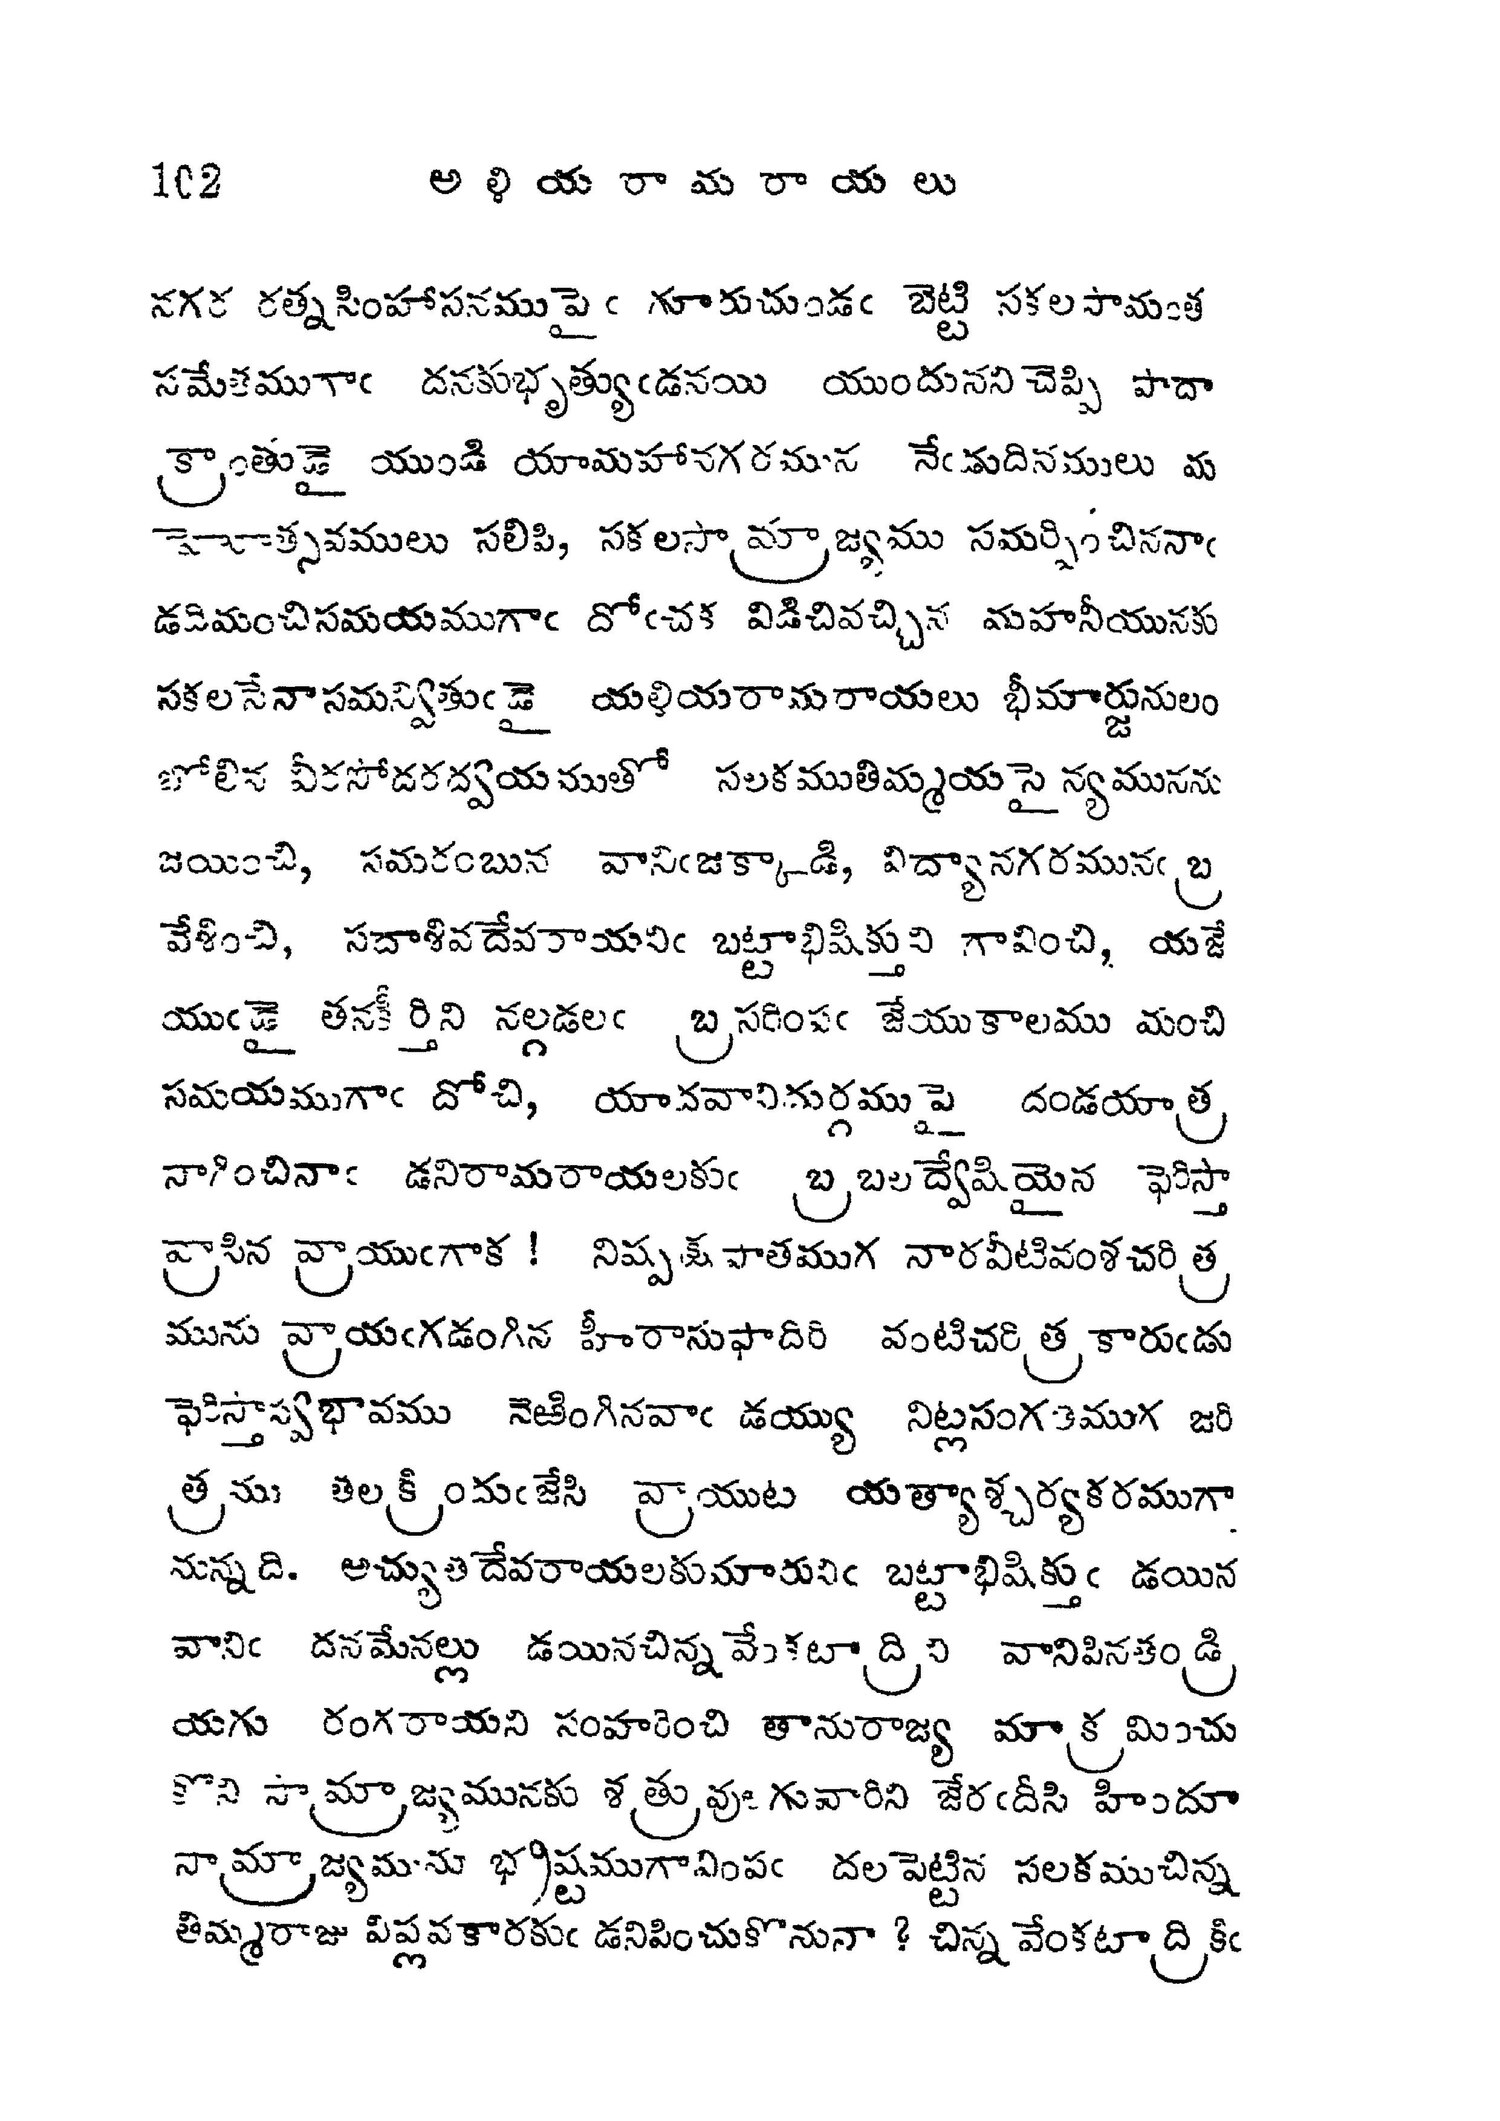నగర రత్నసింహాసనముపై గూరుచుండ బెట్టి సకలసామంత సమేతముగా దనకుభృత్యుడనయి యుందుననిచెప్పి పాదాక్రాంతుడై యుండి యామహానగరమున నేడుదినములు మహోత్సవములు సలిపి, సకలసామ్రాజ్యము సమర్పించిన నాడదిమంచిసమయముగా దోచక విడిచివచ్చిన మహనీయునకు సకలసేనాసమన్వితుడై యళియరామరాయలు భీమార్జునులం బోలిన వీరసోదరద్వయముతో సలకముతిమ్మయసైన్యమునను జయించి, సమరంబున వానిజిక్కాడి, విద్యానగరమున బ్రవేశించి, సదాశివదేవరాయని బట్టాభిషిక్తుని గావించి, యజేయుడై తనకీర్తిని నల్గడల బ్రసరింప జేయుకాలము మంచిసమయముగా దోచి, యాదవాని దుర్గముపై దండయాత్ర సాగించనా డనిరామరాయలకు బ్రబలద్వేషియైన ఫెరిస్తా వ్రాసిన వ్రాయుగాక! నిష్పక్షపాతముగ నారవీటి వంశచరిత్రమును వ్రాయగడంగిన హీరాసుఫాదిరి వంటిచరిత్రకారుడు ఫెరిస్తాస్వభావము నెఱింగినవా డయ్యు నిట్లసంగతముగ జరిత్రము తలక్రిందుజేసి వ్రాయుట యత్యాశ్చర్యకరముగా నున్నది. అచ్యుత దేవరాయలకుమారుని బట్టాభిషిక్తు డయినవాని దనమేనల్లు డయినచిన్నవేంకటాద్రిని వాని పినతండ్రియగు రంగరాయని సంహరించి తానురాజ్య మాక్రమించుకొని సామ్రాజ్యమునకు శత్రువులగు వారిని జేరదీసి హిందూ సామ్రాజ్యమును భ్రష్టముగావింప దలపెట్టిన సలకముచిన్నతిమ్మరాజు విప్లవకారకు డనిపించు కొనునా? చిన్న వేంకటాద్రికి